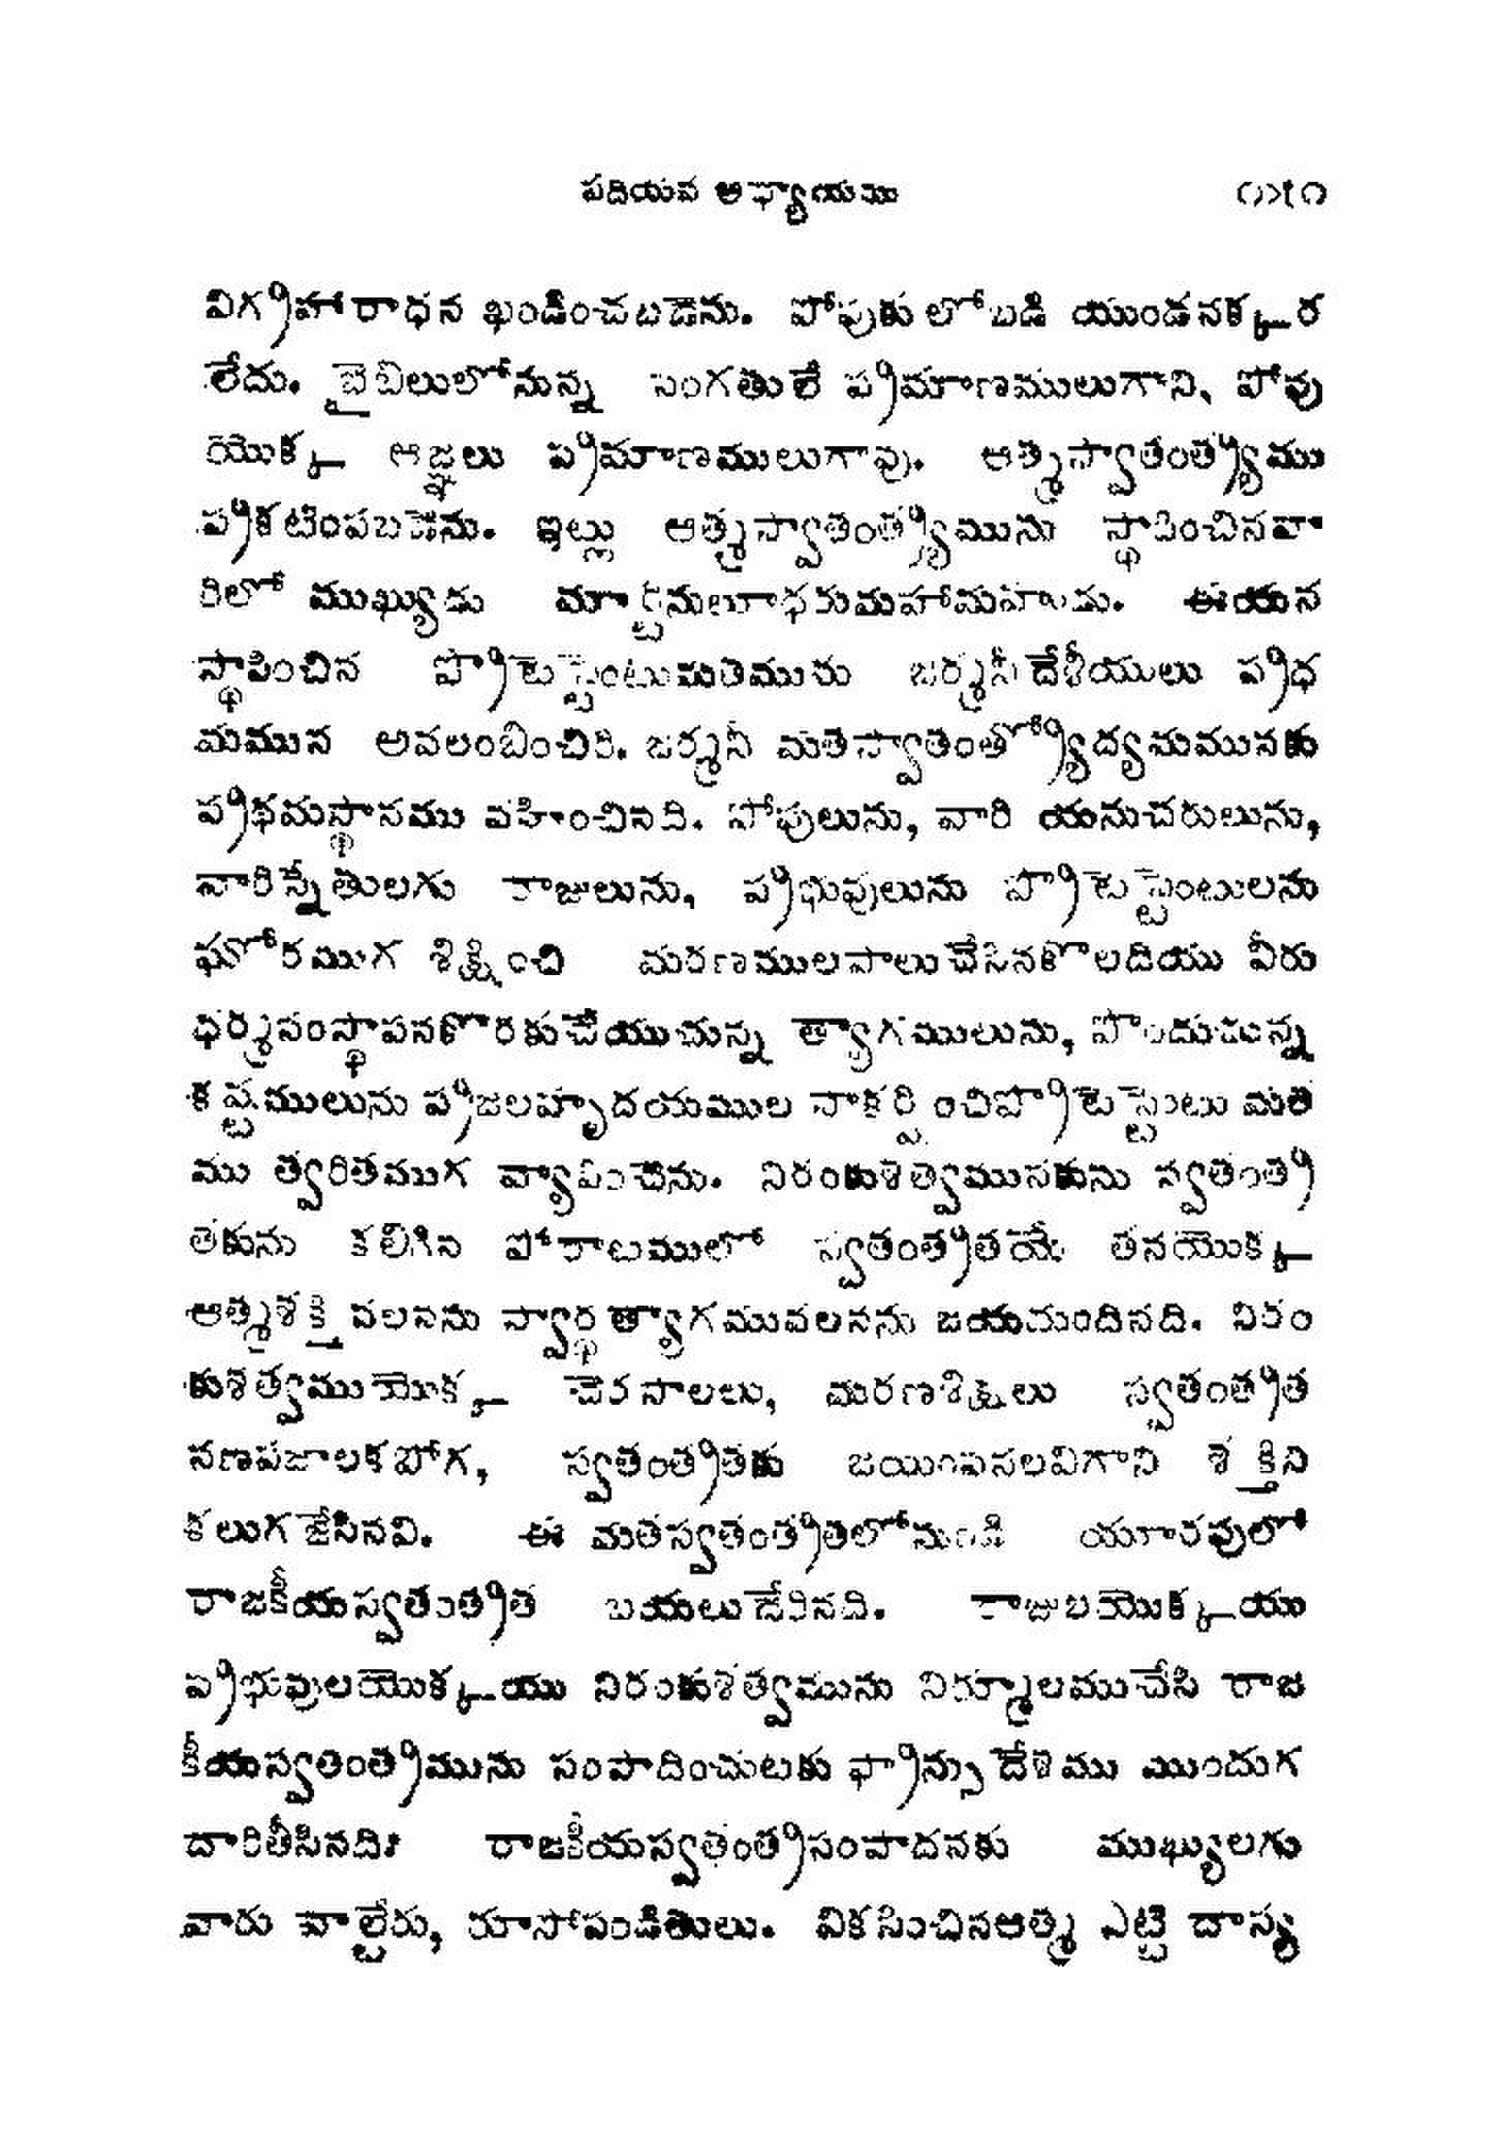విగ్రహారాధన ఖండించబడెను. పోపుకు లోబడి యుండనక్కర
లేదు. బైబిలులోనున్న సంగతులే ప్రమాణములుగాని, పోపు
యొక్క ఆజ్ఞలు ప్రమాణములుగావు, ఆత్మస్వాతంత్ర్యము
ప్రకటింపబడెను. ఇట్లు ఆత్మ స్వాతంత్యమును స్థాపించిన "
వారిలో ముఖ్యుడు మార్టిను లూధకుమహామహుడు. ఆయన
స్థాపించిన ప్రొటెస్టెంటు మతమును జర్మనీ దేశీయులు ప్రధ
మమున అవలంబించిరి. జర్మనీ మత స్వాతంత్యోద్యమమునకు
ప్రథమస్థానము వహించినది. పోఫులును, వారి యనుచరులును,
వారి స్నేహితులగు రాజులును, ప్రభువులుసు ప్రొటెస్తేంటులను
ఘోరముగ శిక్షించి మరణములపాలు చేసినకొలదియు వీరు 
ధర్మసంస్థాపనకొరకు చేయుచున్న త్యాగములును, పొందుచున్న
కష్టములును ప్రజల హృదయముల నాకర్షించి ప్రొటెస్టేంటు మత
ము త్వరితముగ వ్యాపించెను. నిరంకుశ త్వమునకును స్వతంత్ర
తకును కలిగిన పోరాటములో స్వతంత్రతయే తనయొక్క
ఆత్మశక్తి వలనను స్వార్త త్యాగమువలనను జయముందినది, నిరం
కుశత్వము యొక్క చెరసాలలు, మరణశిక్షలు స్వతంత్రత
సణపజాలక పోగ, స్వతంత్రతకు జయింప నలవి గాని శక్తిని
కలుగ జేసినవి. ఈ మత స్వతంత్రంలోను, యూరపులో
రాజకీయ స్వతంత్రత బయలు దేరినది. రాజులయొక్కయు
ప్రభువుల యొక్కయు నిరంకుశత్వమును నిర్మూలము చేసి రాజు
కీయ స్వతంత్రమును సంపాదించుటకు ఫ్రాంన్సు దేశము ముందుగ
దారితీసినది. రాజకీయస్వతంత్ర సంవాదనకు ముఖ్యులగు
వారు వాల్టేరు, రూసోపండితులు. వికసించిన ఆత్మ ఎట్టి దాస్య